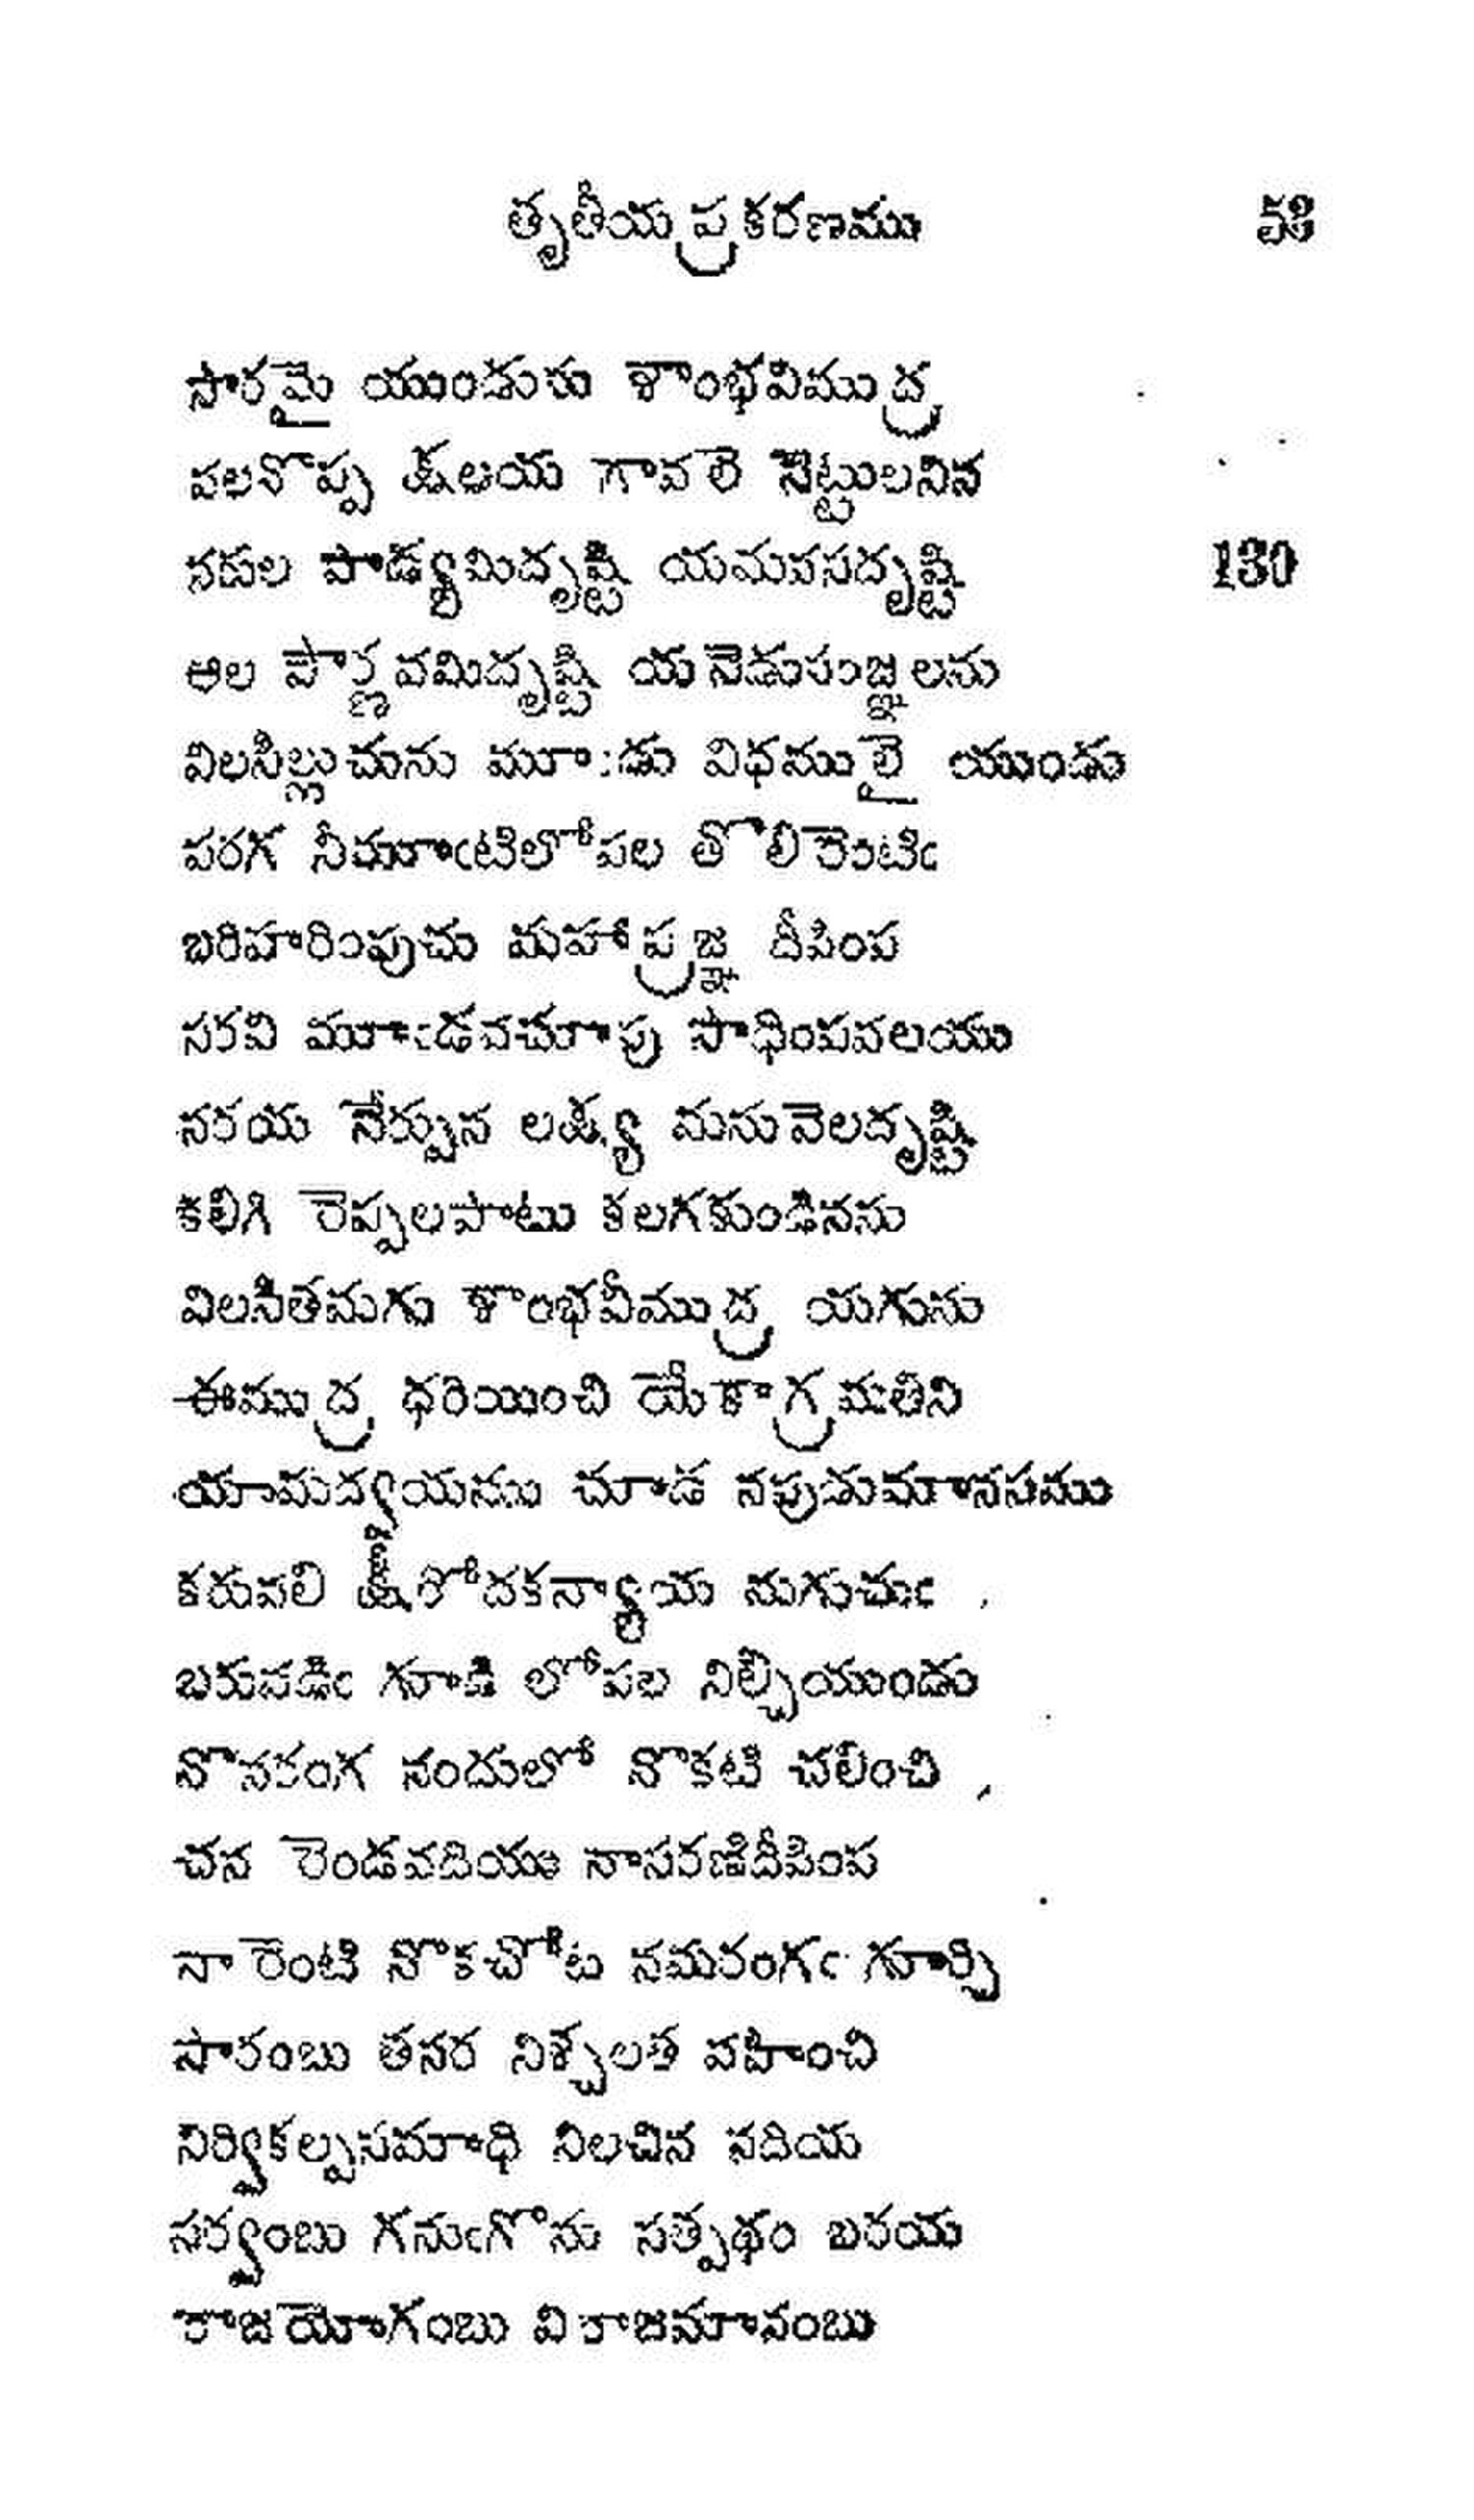సారమై యుండును శాంభవిముద్ర
వలనొప్ప క్షలయ గావలె నెట్టులనిన
నరుల పాడ్యమిదృష్టి యమవసదృష్టి
అల పౌర్ణవమిదృష్టి యనెడుసంజ్ఞలను
విలసిల్లుచును మూఁడు విధములై యుండు
పరగ నీమూఁటిలోపల తొలిరెంటిఁ
బరిహరింపుచు మహాప్రజ్ఞ దీపింప
సరవి మూఁడవచూపు సాధింపవలయు
నరయ నేర్పున లక్ష్య మనువెలదృష్టి
కలిగి రెప్పలపాటు కలగకుండినను
విలసితమగు శాంభవీముద్ర యగును
ఈముద్ర ధరియించి యేకాగ్రమతిని
యామద్వయము చూడ నపుడుమానసము
కరువలి క్షీరోదకన్యాయ మగుచుఁ
బరువడిఁ గూడి లోపల నిల్చియుండు
నొనరంగ నందులో నొకటి చలించి
చన రెండవదియు నాసరణిదీపింప
నారెంటి నొకచోట నమరంగఁ గూర్చి
సారంబు తనర నిశ్చలత వహించి
నిర్వికల్పసమాధి నిలచిన నదియ
సర్వంబు గనుఁగొను సత్పథం బరయ
రాజయోగంబు విరాజమానంబు